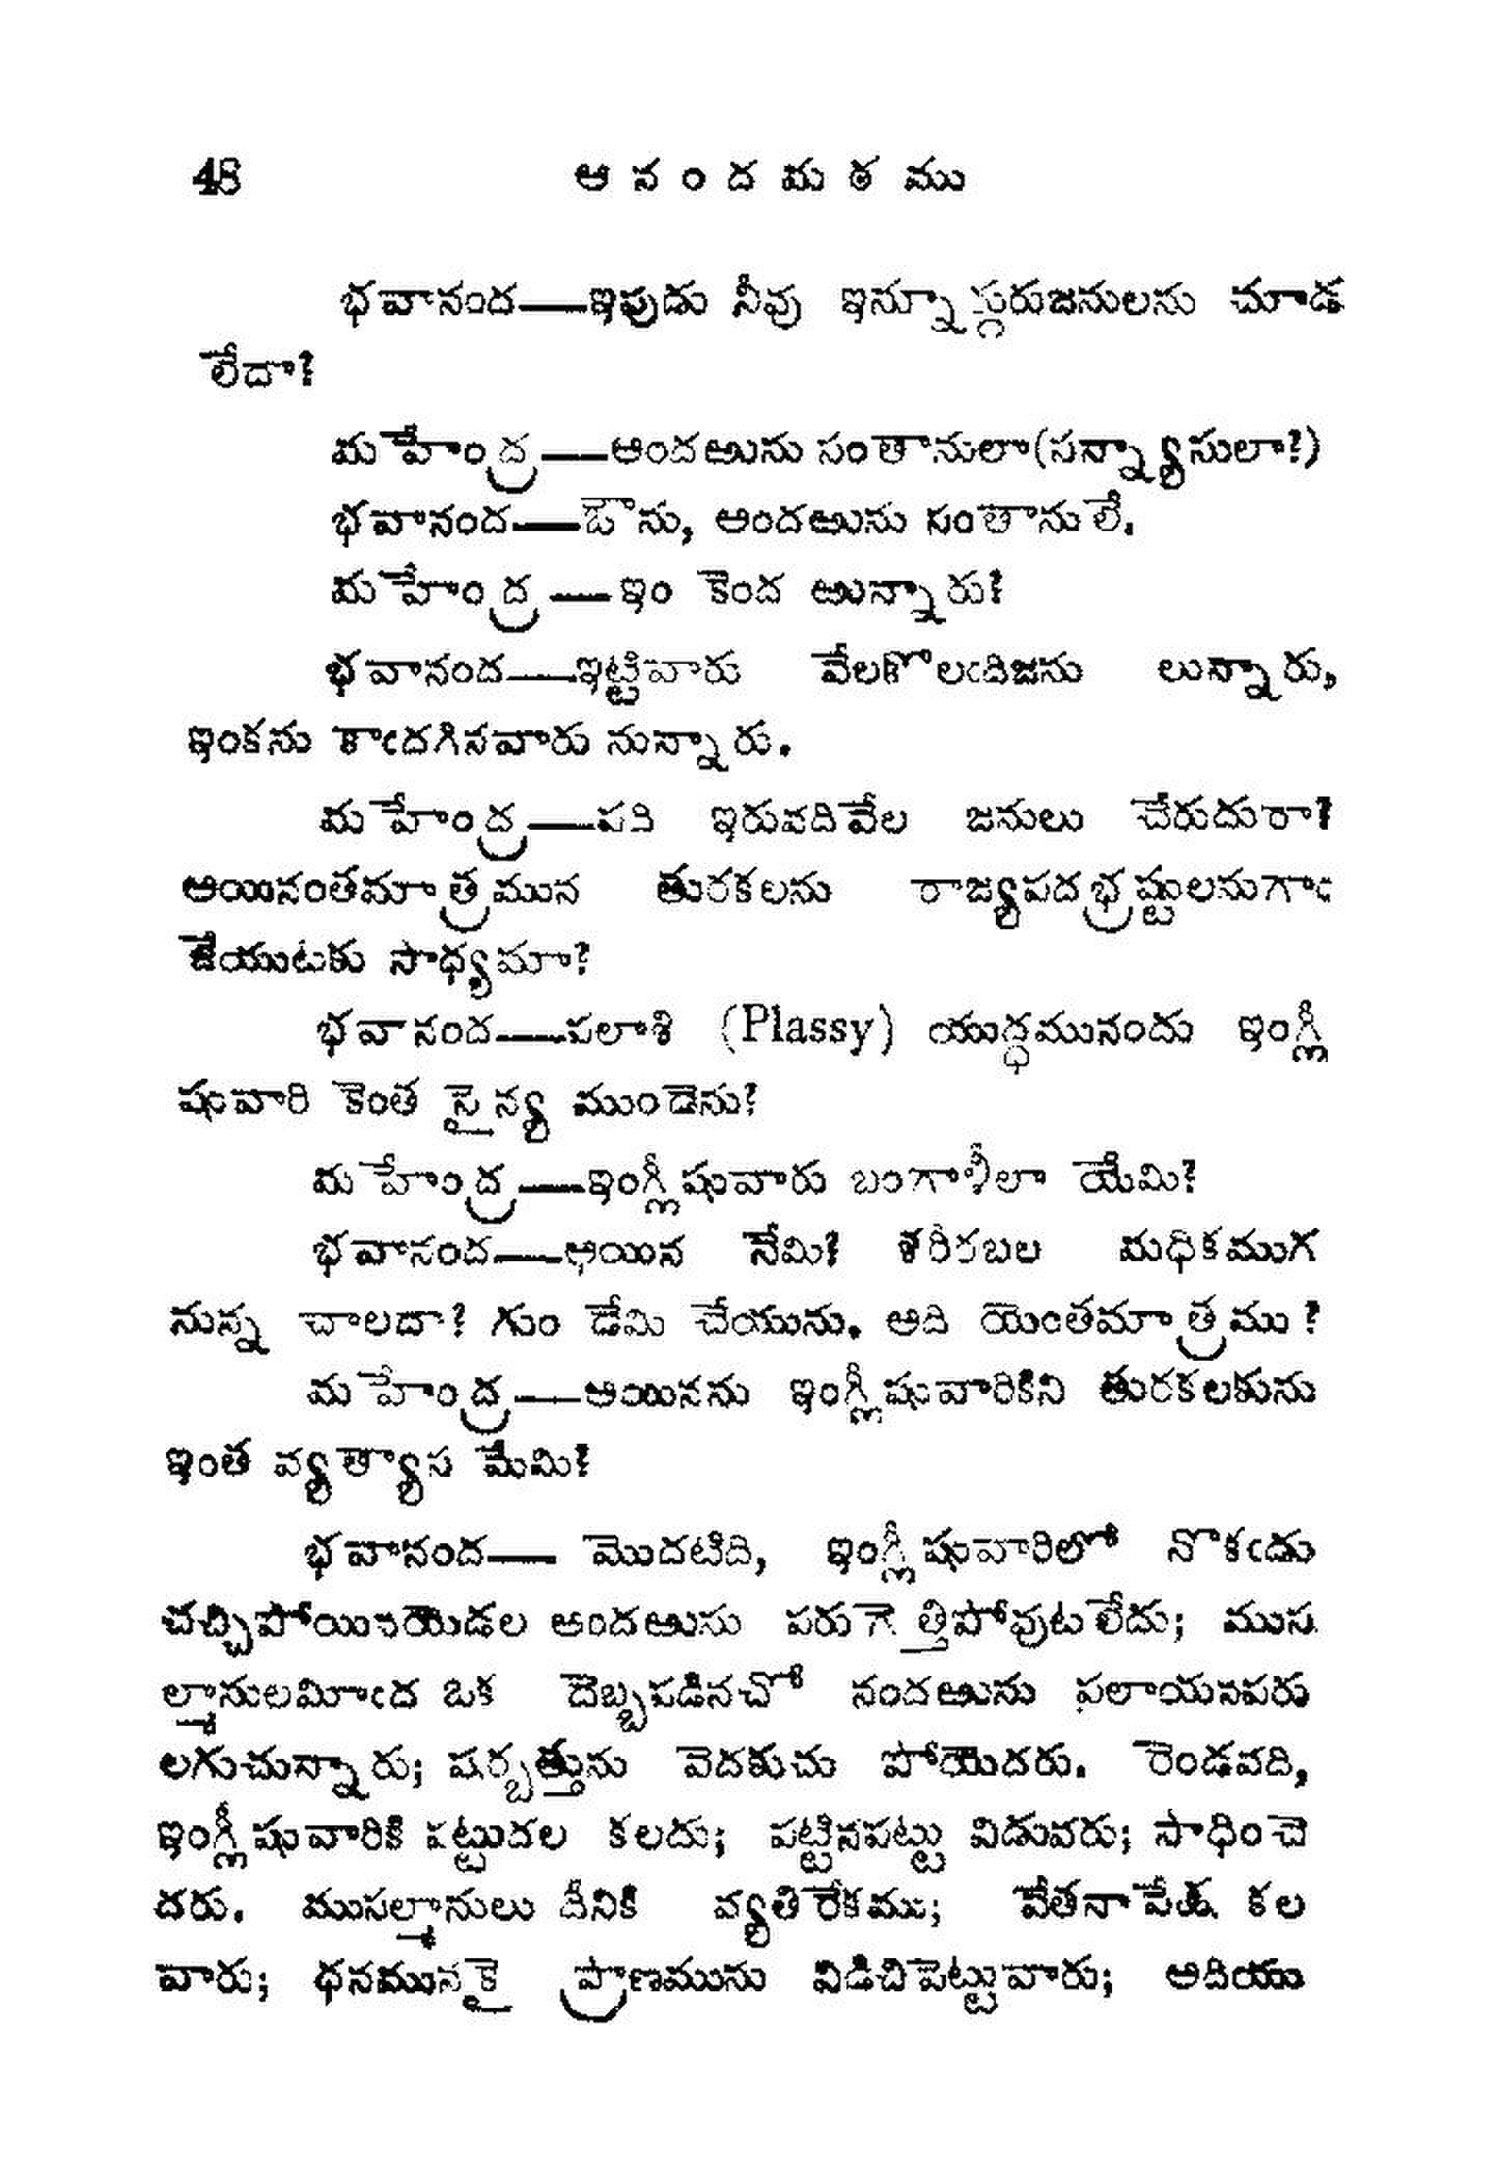భవానంద —— ఇపుడు నీవు ఇన్నూర్గురుజనులను చూడ లేదా?

మహేంద్ర——ఆందఱును సంతానులా (సన్న్యాసులా!)

భవానంద——ఔను, అందఱును సంతానులే,

మహేంద్ర —— ఇం కెంద ఱున్నారు?

భవానంద —— ఇట్టివారు వేలకొలఁదిజను లున్నారు, ఇంకను కాఁదగినవారు నున్నారు.

మహేంద్ర——పది ఇరువది వేల జనులు చేరుదురా! అయినంతమాత్రమున తురకలను రాజ్యపద భ్రష్టులనుగాఁ జేయుటకు సాధ్యమా?

భవానంద—— పలాశి {Plassy) యుద్ధమునందు ఇంగ్లీషువారి కెంత సైన్యముండెను?

మహేంద్ర——ఇంగ్లీషువారు బంగాళీలా యేమి?

భవానంద——ఆయిన నేమి? శరీకబల మధికముగ నున్న చాలదా ? గుండేమి చేయును, అది యెంతమాత్రము ?

మహేంద్ర——అయినను ఇంగ్లీషు వారికిని తురకలకును ఇంత వ్యత్యాసమేమి?

భవానంద —— మొదటిది, ఇంగ్లీషువారిలో నొకఁడు చచ్చిపోయినయెడల అందఱును పరుగెత్తిపోవుట లేదు; ముసల్మానులమీఁద ఒక దెబ్బ పడినచో నందఱును పలాయనపరులగుచున్నారు; షర్బత్తును వెదకుచు పోయెదరు. రెండవది, ఇంగ్లీషు వారికి పట్టుదల కలదు; పట్టినపట్టు విడువరు; సాధించేదరు. ముసల్తానులు దీనికి వ్యతిరేకము; వేతనాపేక్ష కలవారు; ధనమునకై ప్రాణమును విడిచి పెట్టువారు; అదియు